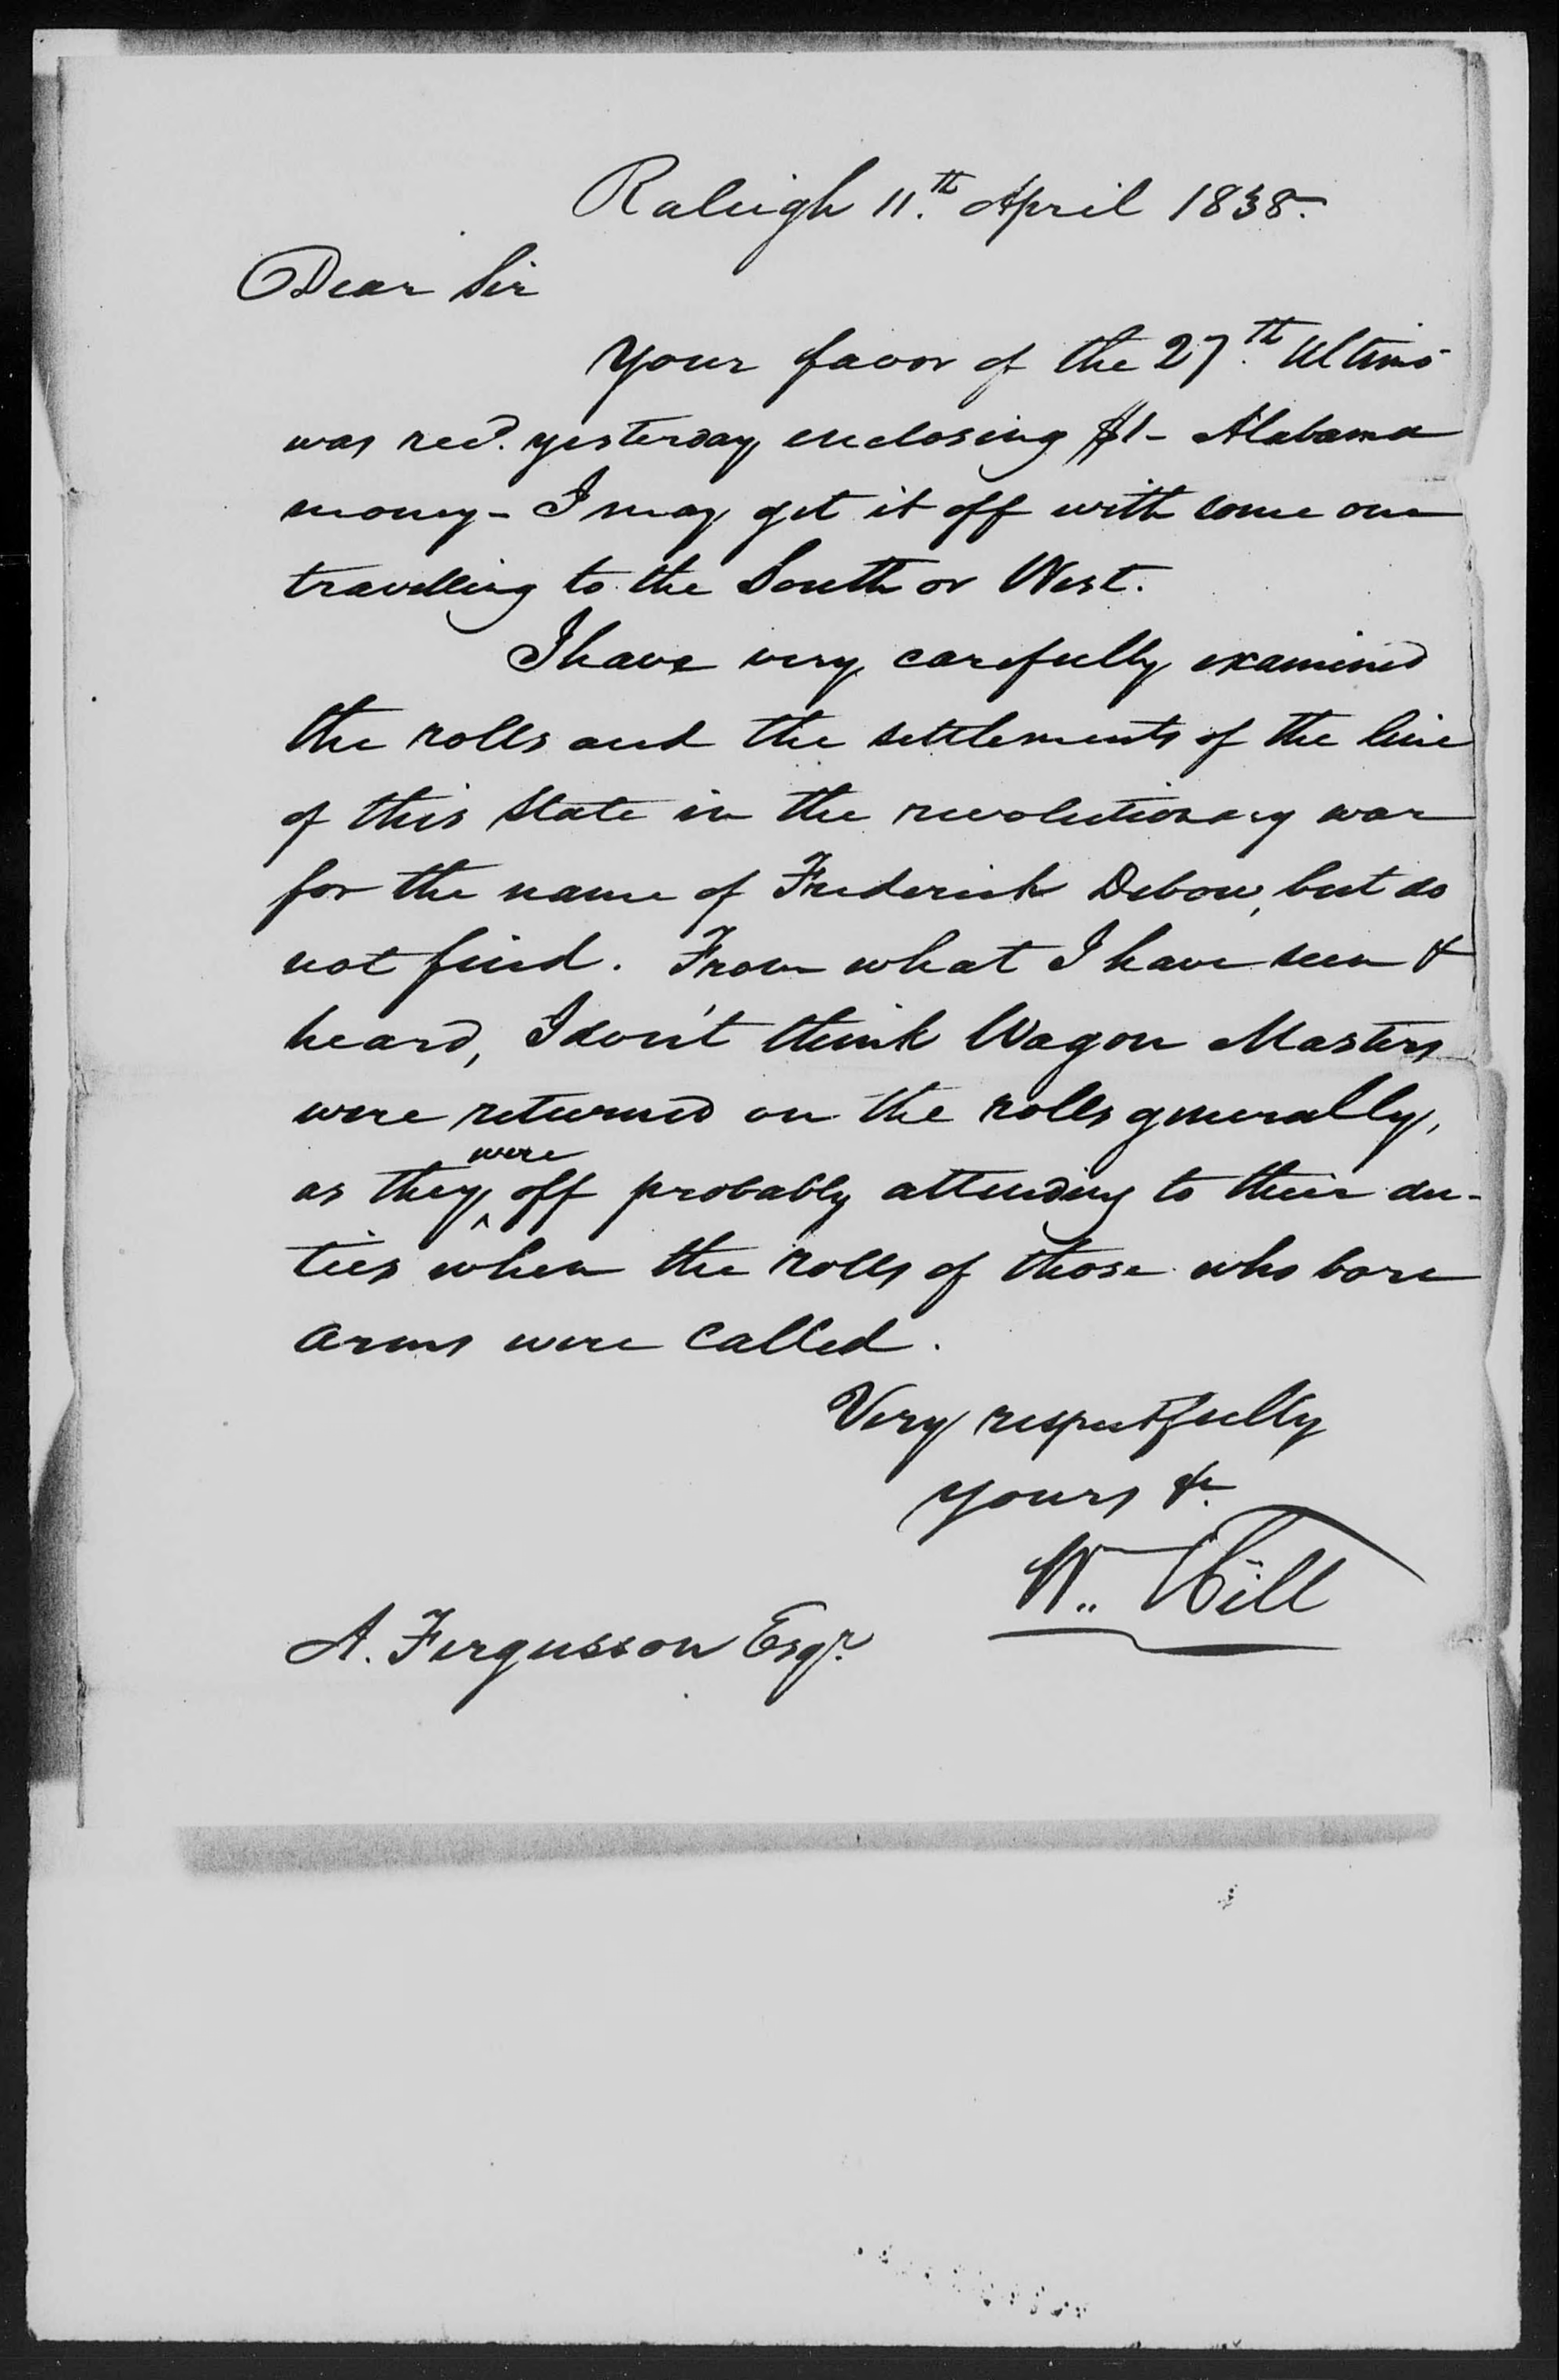Raleigh 11th April 1838.
Dear Sir
Your [illegible]  of the 27th  [illegible]   was received yesterday enclosing $1-Alabama money - [illegible]    get it off with cause [illegible]    travelling to the South or West.
I have very carefully examined the rolls and the settlements of the line of this state in the revolutionary war for the name of Frederick Debow, but do not find. From what I have seen & heard, I don’t think Wagon Masters were re[illegible]   on the rolls generally, as they [insert] were off probably attending to their du-ties when the rolls of those who bore arms were called.
Very respectfully yours 
	W Hill
A Fergusson Esq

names: A Fergusson, W Hill, Frederick Debow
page: 36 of 62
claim: widow's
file: W 7005, Frederick Debow, N.C.